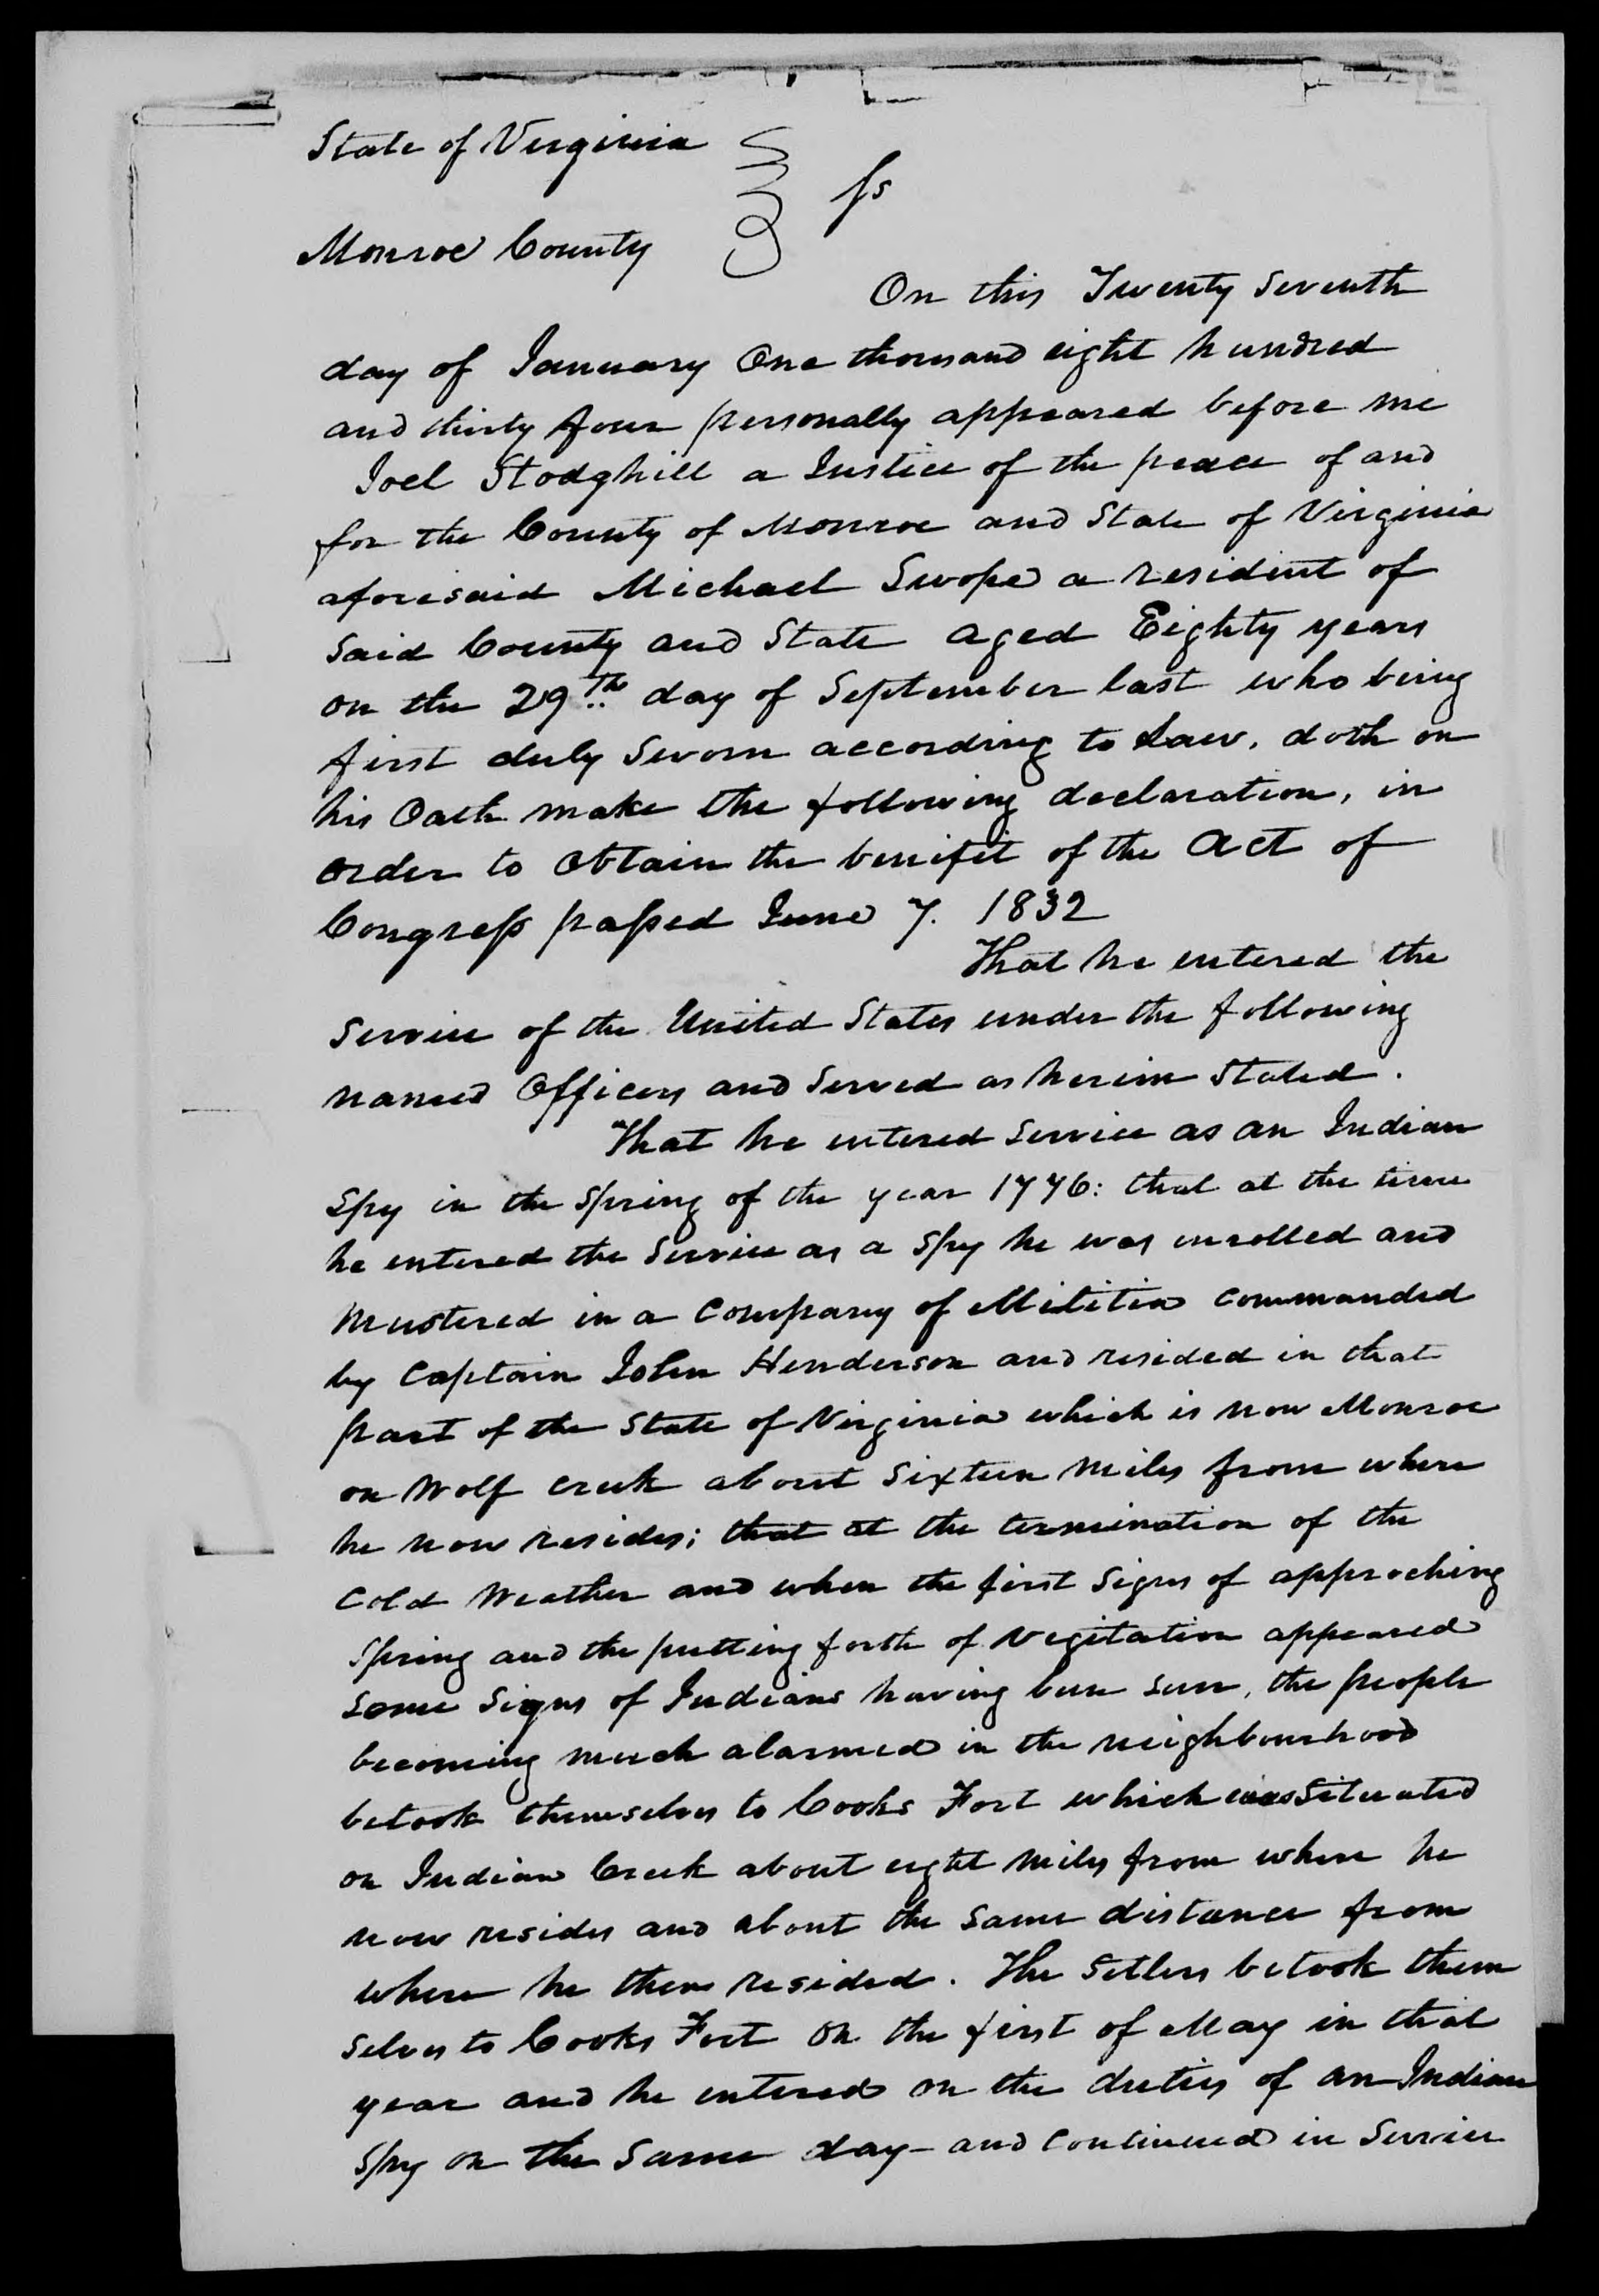State of Virginia
Monroe County, ss
On this Twenty Seventh
day of January One thousand eight hundred
and thirty four personally appeared before me
Joel Stodghill a Justice of the peace of and
for the County of Monroe and State of Virginia
aforesaid Michael Swope a resident of
said County and State aged Eighty years
on the 29th day of September last who being
first duly sworn according to Law, doth on
his oath make the following declaration, in
order to obtain the benefit of the act of
Congress passed June 7.
1832
That he entered the
service of the United States under the following
named officers and served as herein stated
That he entered service as an Indian
Spy in the spring of the year 1776: that at the time
he entered the service as a spy he was enrolled and
mustered in a company of Militia commanded
by Captain John Henderson and resided in that
part of the State of Virginia which is now Monroe
on Wolf creek about sixteen miles from where
he now resides; that at the termination of the
cold weather and when the first signs of approching
Spring and the putting forth of vegitation appeared
same signs of Indians having been seen, the people 
becoming much alarmed in the neighbourhood
betook themselves to Cooks Fort which is situated
on Indian Creek about eight miles from where he
now resides and about the same distance from
where he then resided. The settlers betook them
selves to Cooks Fort on the first of May in that
year and he entered on the duties of an Indian
on the same day and continued in service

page: 3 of 16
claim: rejected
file: R 10366, for Michael Swope, Virginia